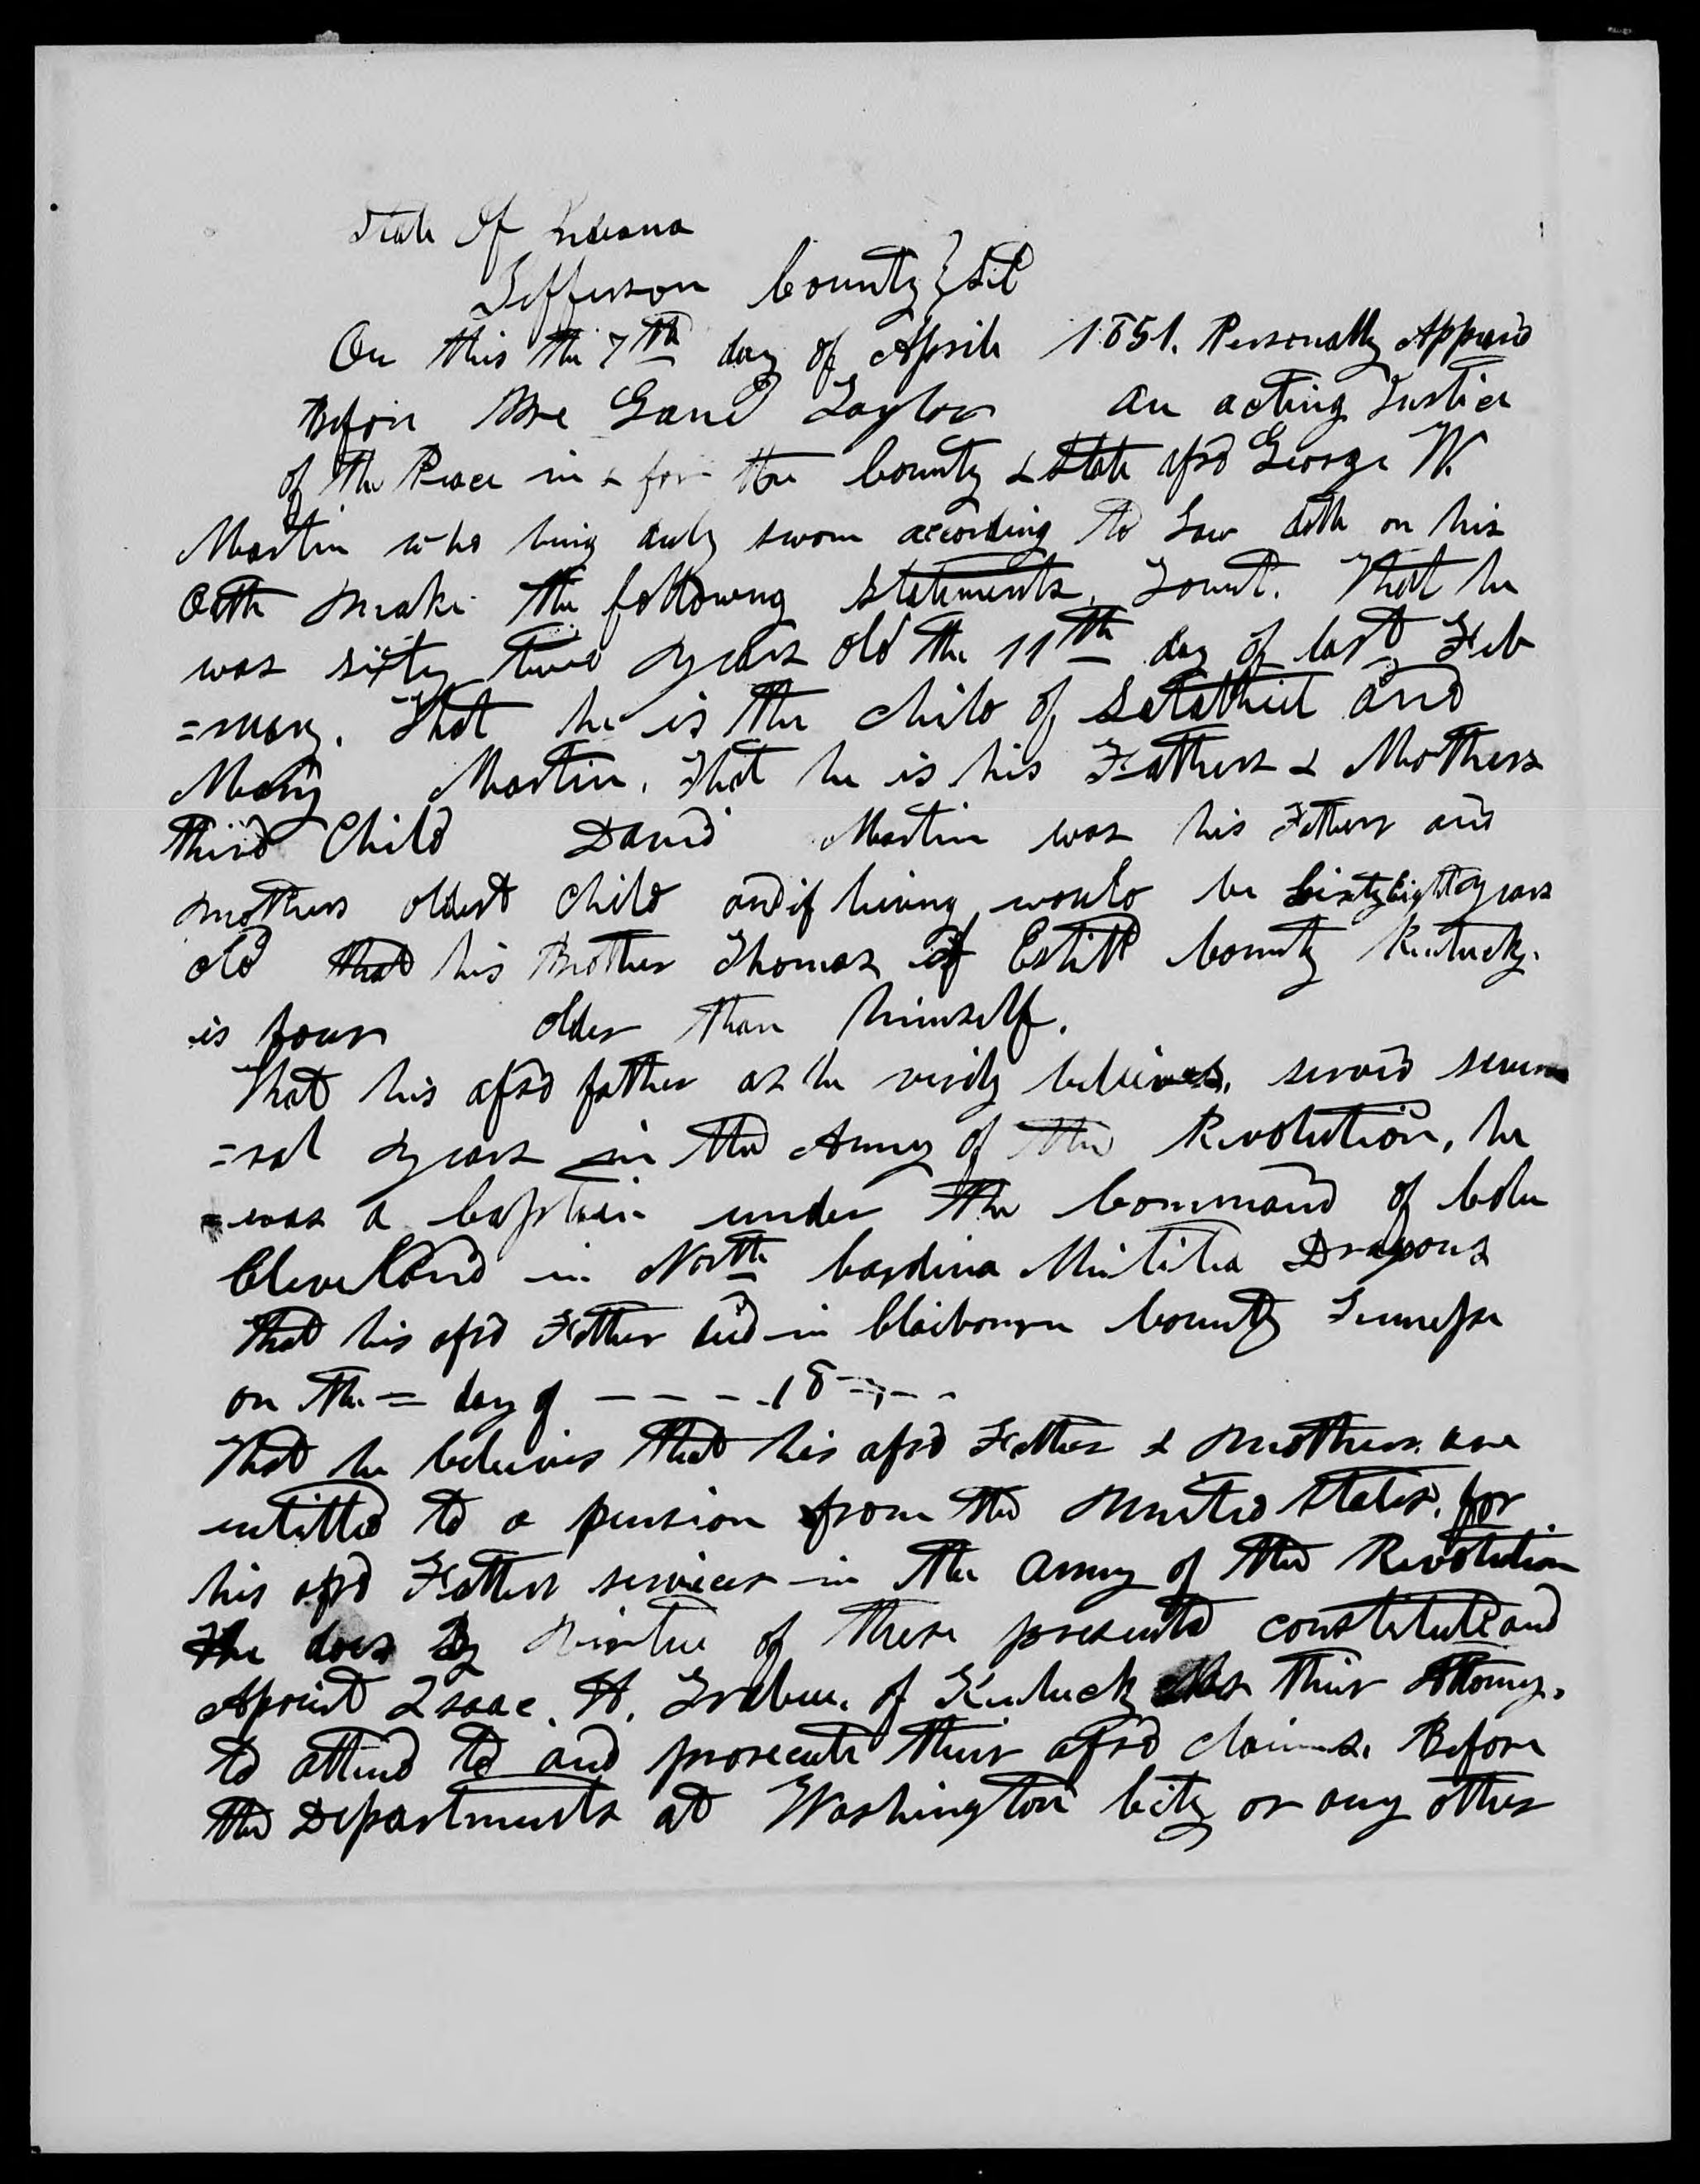State of Indiana  )
Jefferson County ) Set
On this the 7th day of April 1851. Personally Appeared 
Before Me Lane Taylor an acting Justice 
of the Peace in & for the County & State afsd [aforesaid] George W. 
Martin who being duly sworn according to Law doth on his 
Oath make the following Statements, Towit. That he 
was sixty two years old the 11th day of last Feb
=uary [February]. That he is the child of Salathiel and 
Mary Martin. That he is his Fathers & Mothers third child David Martin was his Fathers and mothers oldest child and if living would be Sixty eight years 
old that his Brother Thomas of Estill County Kentucky is four older than himself. 
That his afsd [aforesaid] father as he verily believes served seve
=ral years in the Army of the Revolution, he was a Captain under the Command of Coln Cleveland in North Carolina Militia Dragoons that his afsd [aforesaid] Father died in Claiborne County Tennessee
 on the = [blank] day of - - - - [blank] 18[illegible] 
That he believes that his afsd [aforesaid] Father & Mother are
entitled to a pension from the United States for his afsd [aforesaid] Fathers service in the Army of the Revolution 
He does by virtue of these presents constitute and 
Apoint [appoint] Isaac. H. Trabue of Kentucky as their Attorny [Attorney], 
to attend to and prosecute their afsd [aforesaid] claims. Before
the Departments at Washington City or any other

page: 18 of 120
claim: widow's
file: W. 1044, for Salathiel Martin, North Carolina